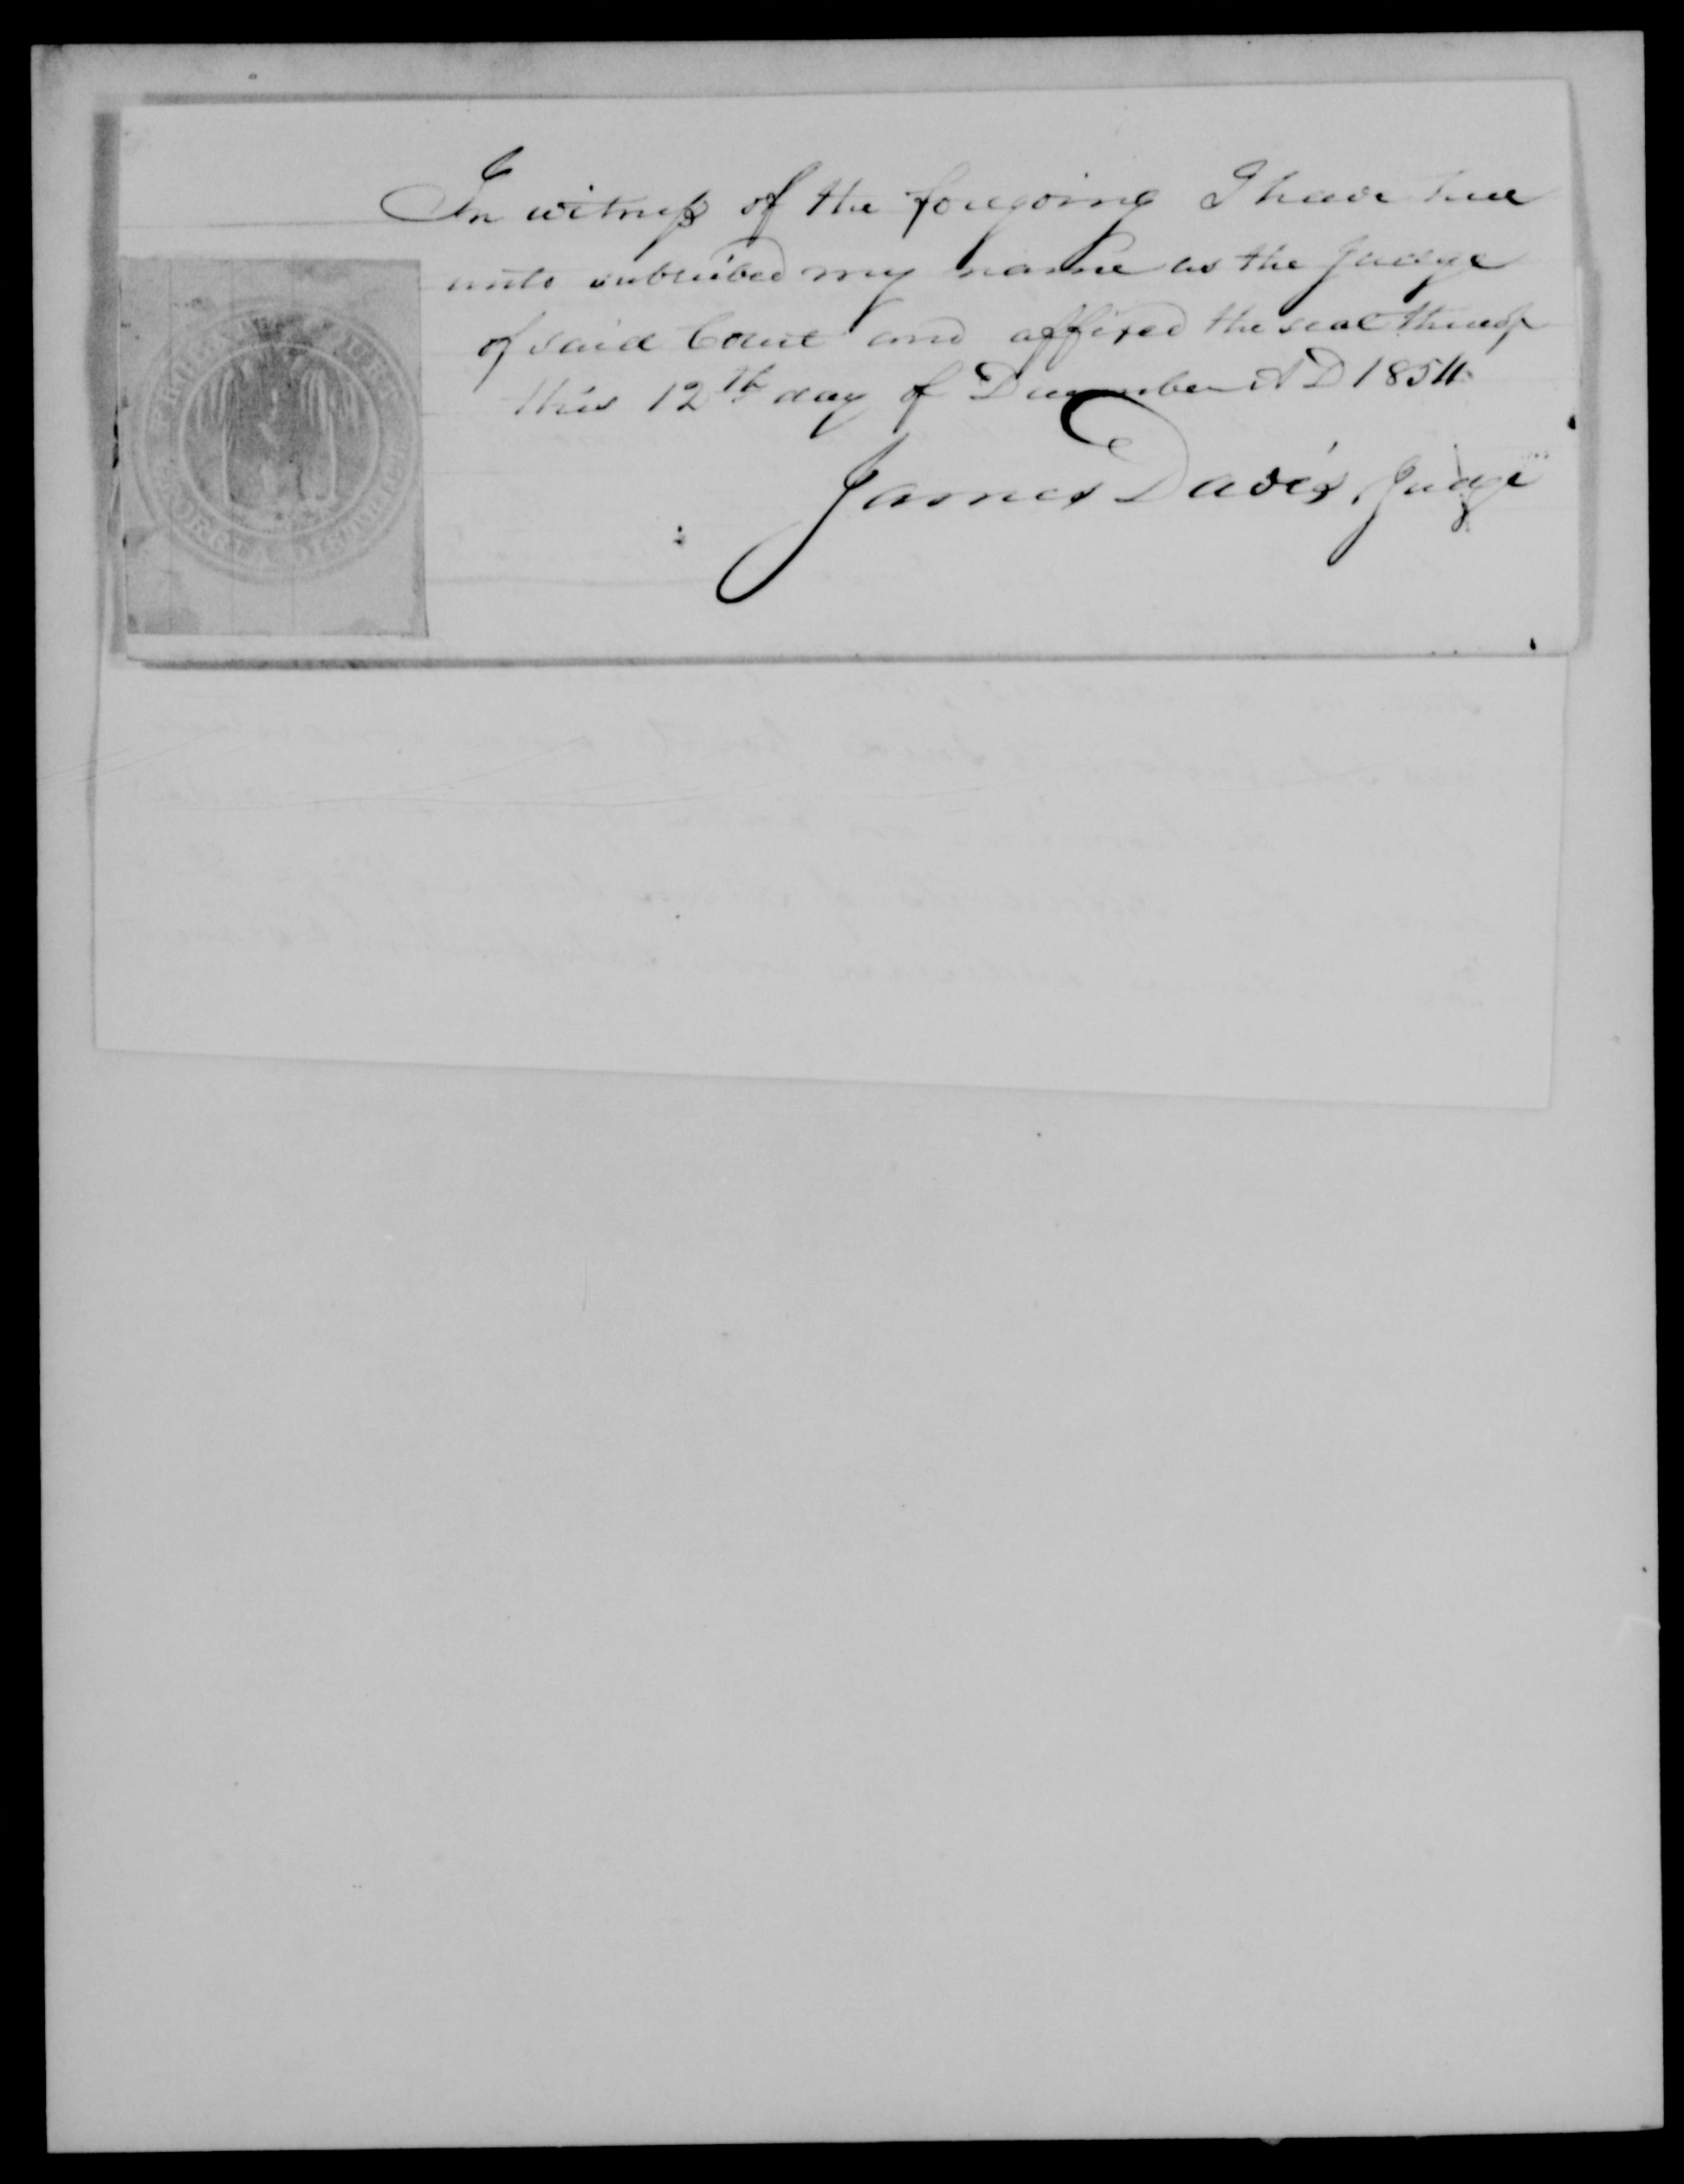In witness of the foregoing I have hereunto subscribed my name as the Judge of said Court and affixed the seal thereof this 12th day of December 1854.
(seal)
James Davis, Judge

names: James Davis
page: 56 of 64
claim: widow's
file: W. 5831, Edmund Town, Mass.